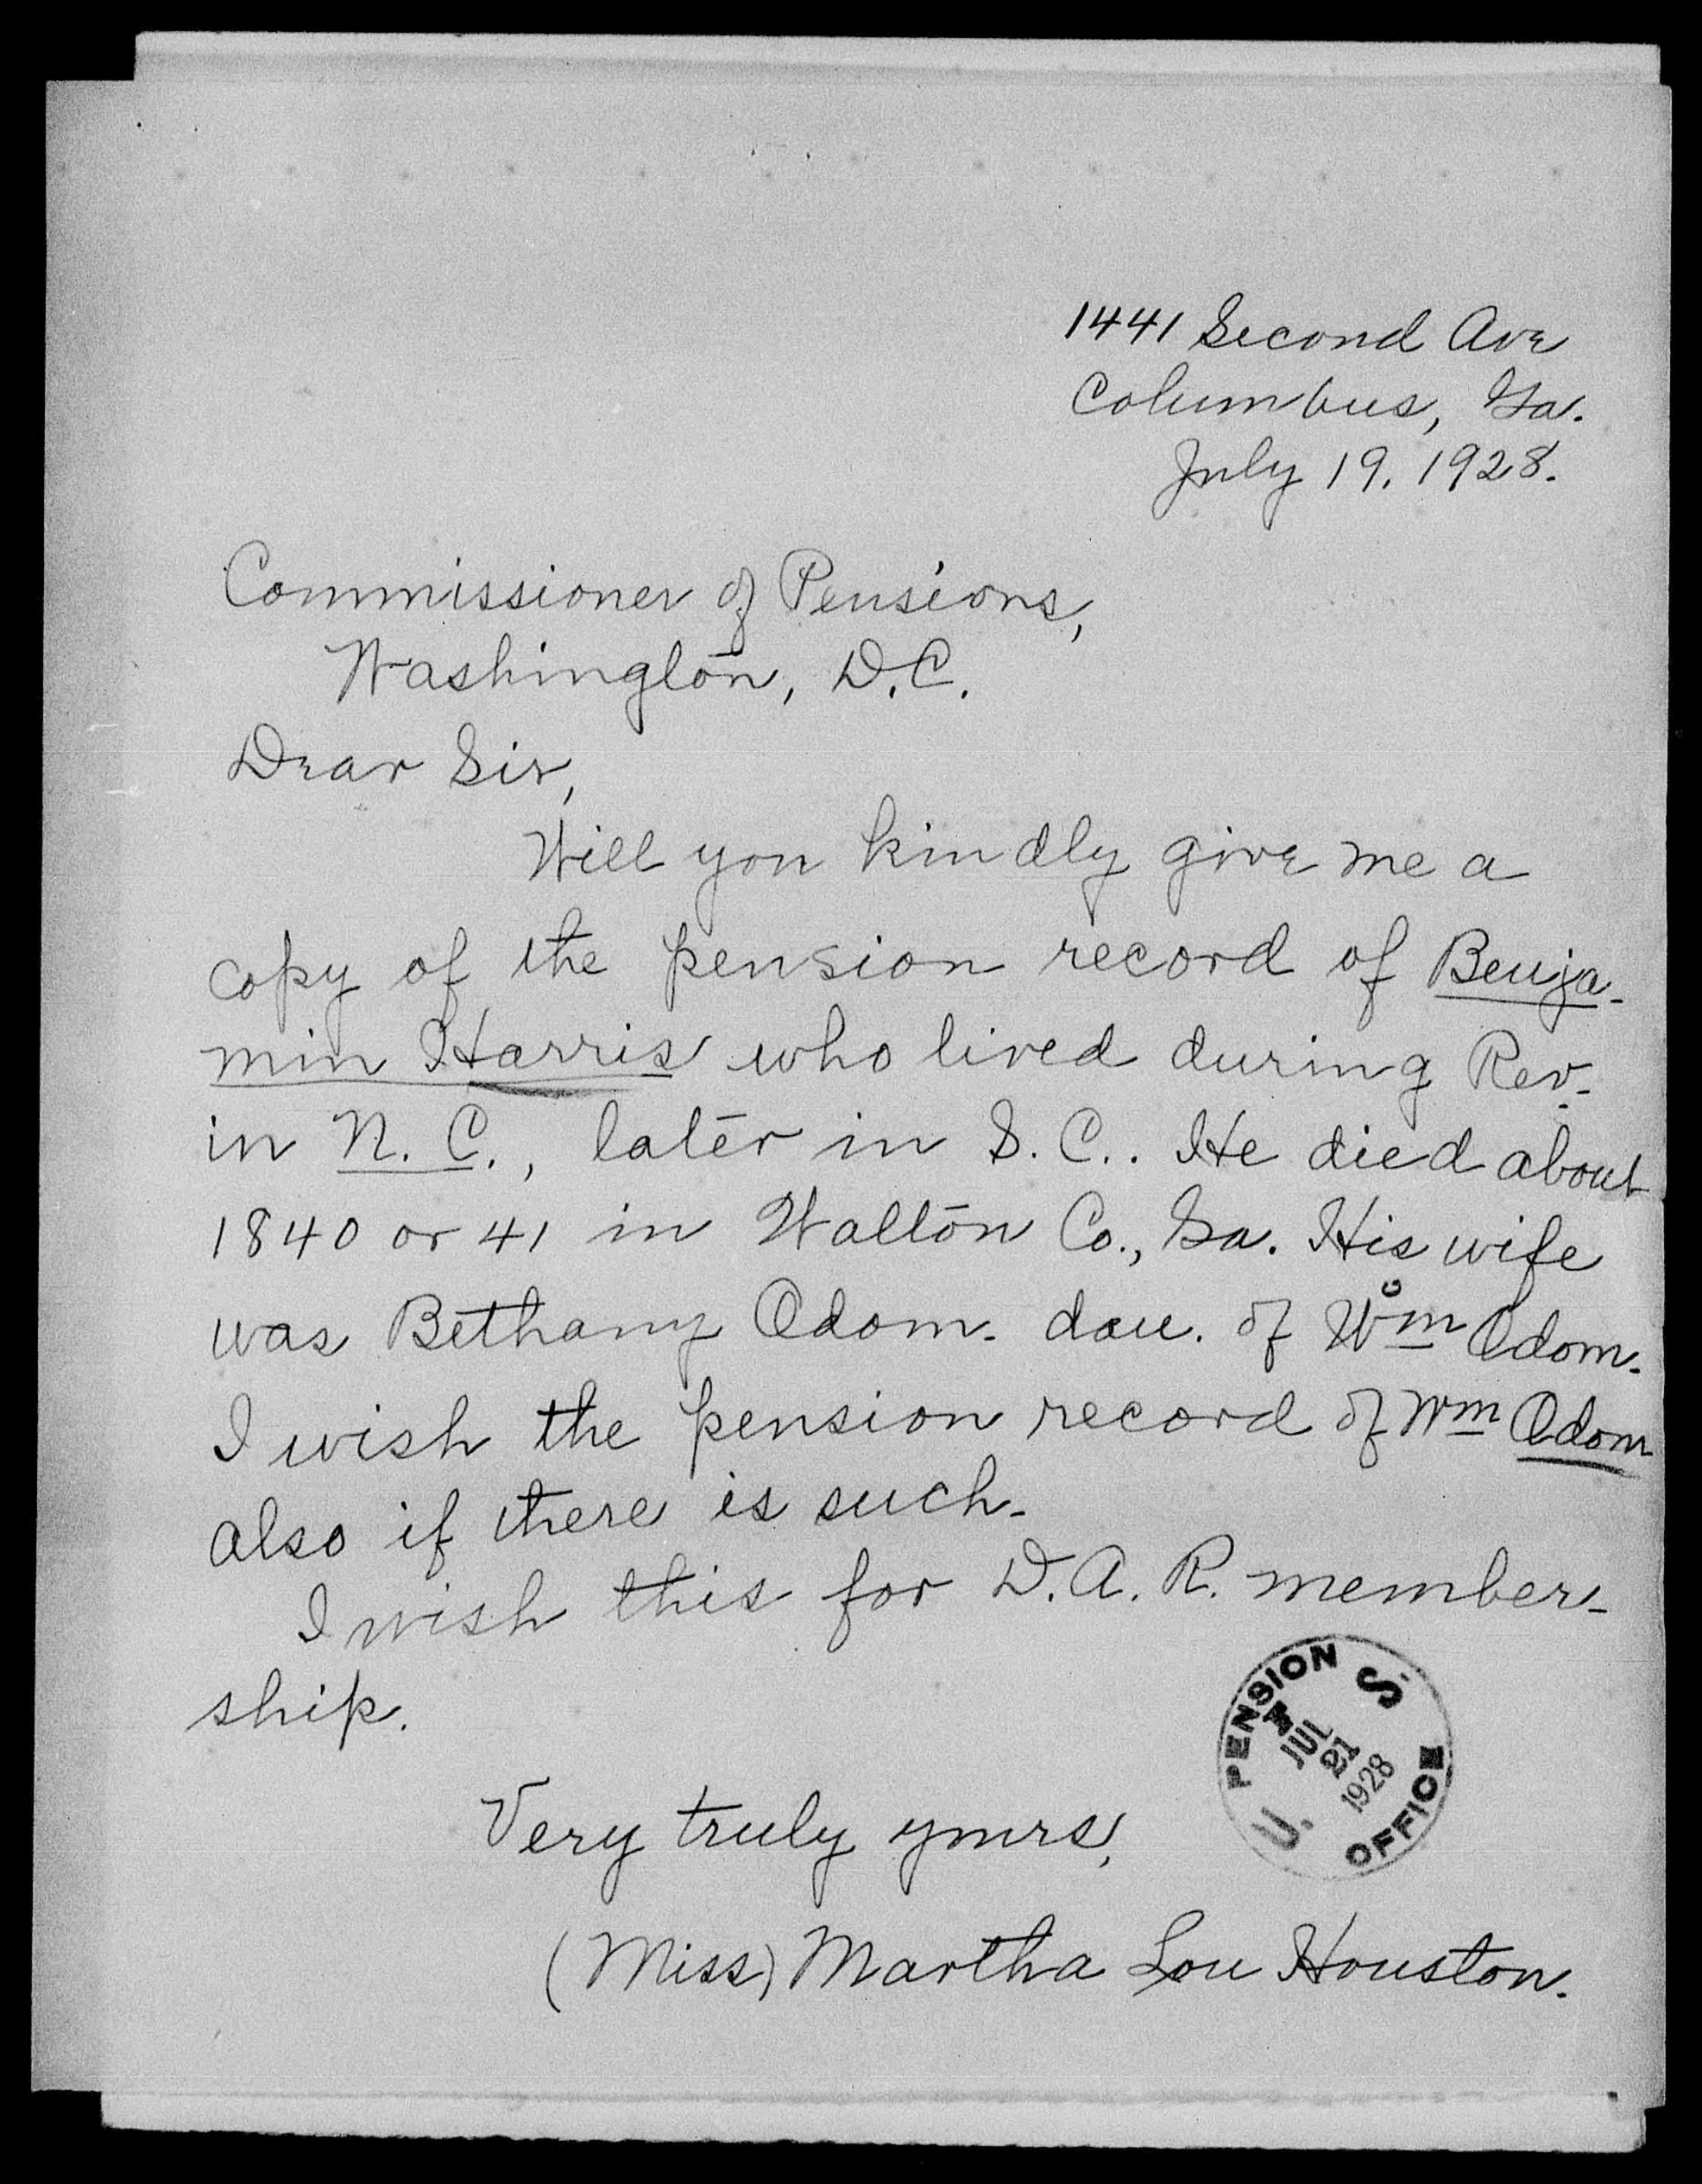July 19, 1928
Commissioner of Pensions
Washington, D.C.

Dear Sir,
Will you kindly give me a copy of the pension record of Benjamin Harris who lived during Rev, in N.C., later in S.C. He died about 1840 or 41 in Walton Co., Ga. His wife was Bethany Odom dau. of WM Odom. I wish the pension record of WM Odom also if there is such. I wish this for D.A. R. membership

Very truly yours, (Miss) Martha Lou Houston

[postmark: U.S. PENSION OFFICE JUL 21 1928]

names: Martha Lou Houston, Bethany Odom, Wm Odom, Benjamin Harris, Wm Odom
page: 59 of 62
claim: survivor's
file: S. 38816, Benjamin Harris, Mass.